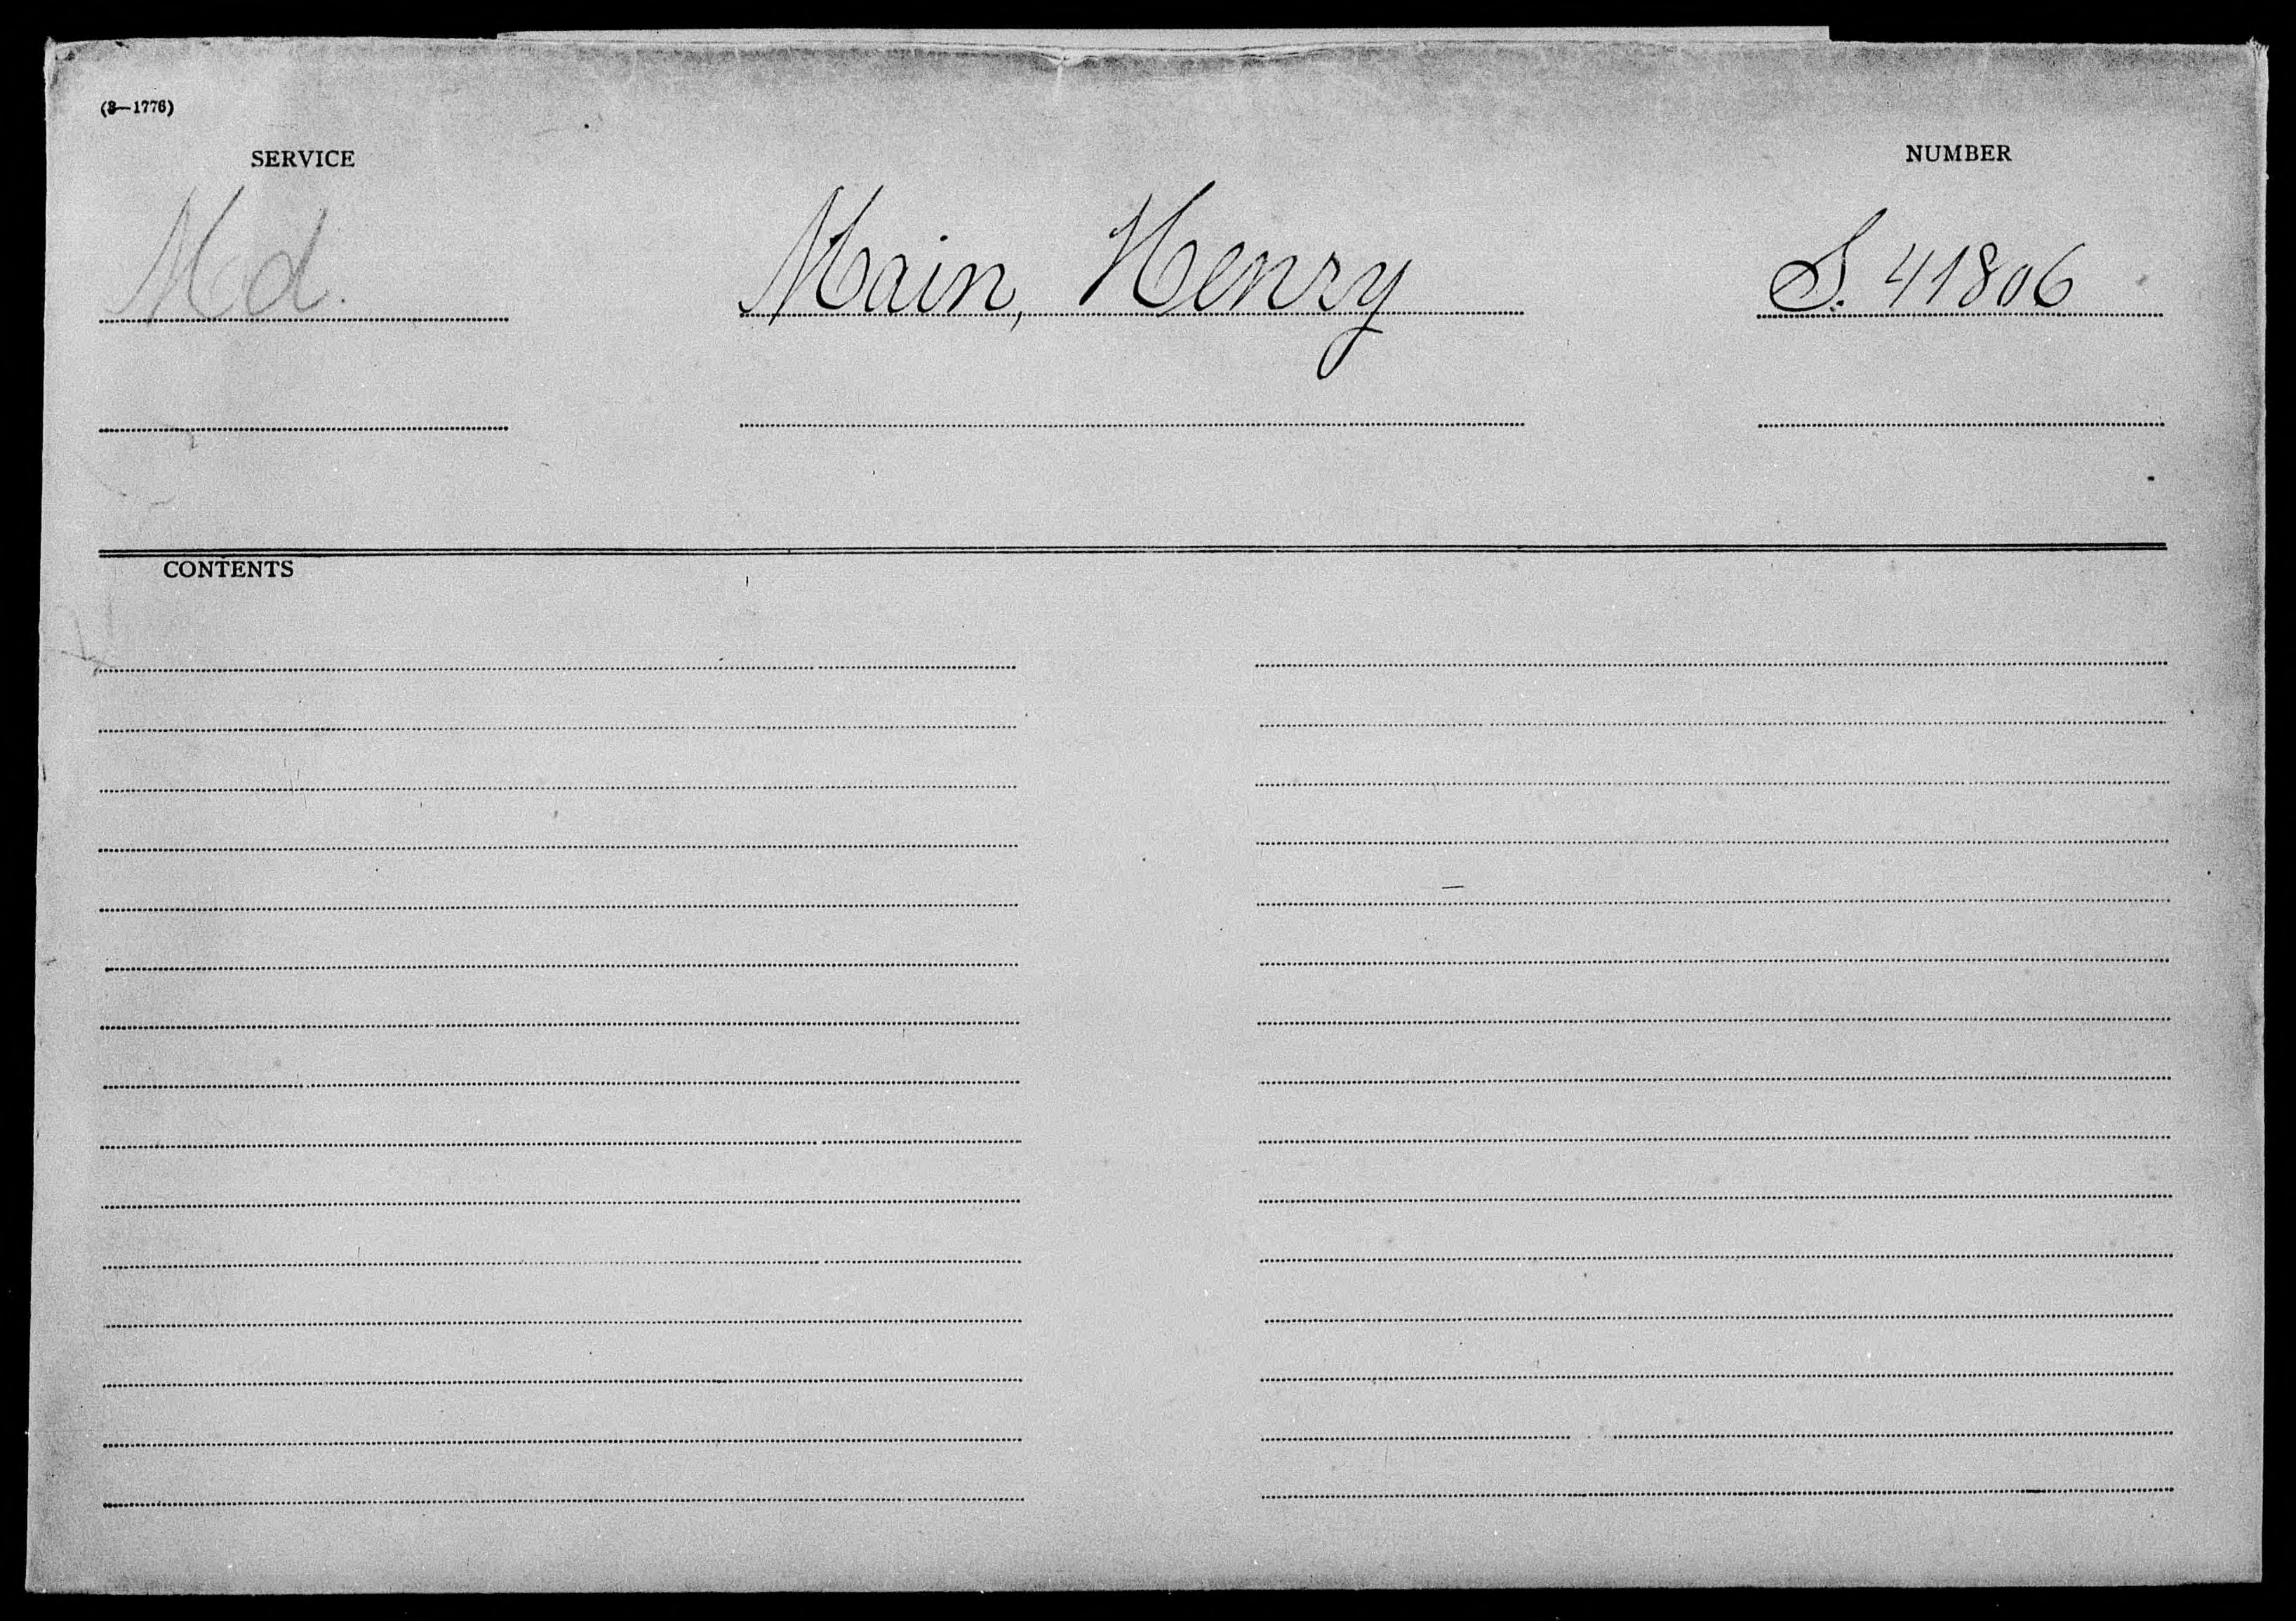(3 - 1776 )

NUMBER
S.41806
service
Md. 

Main, Henry
contents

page: 1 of 13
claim: survivor's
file: S. 41806, for Henry Main, Maryland